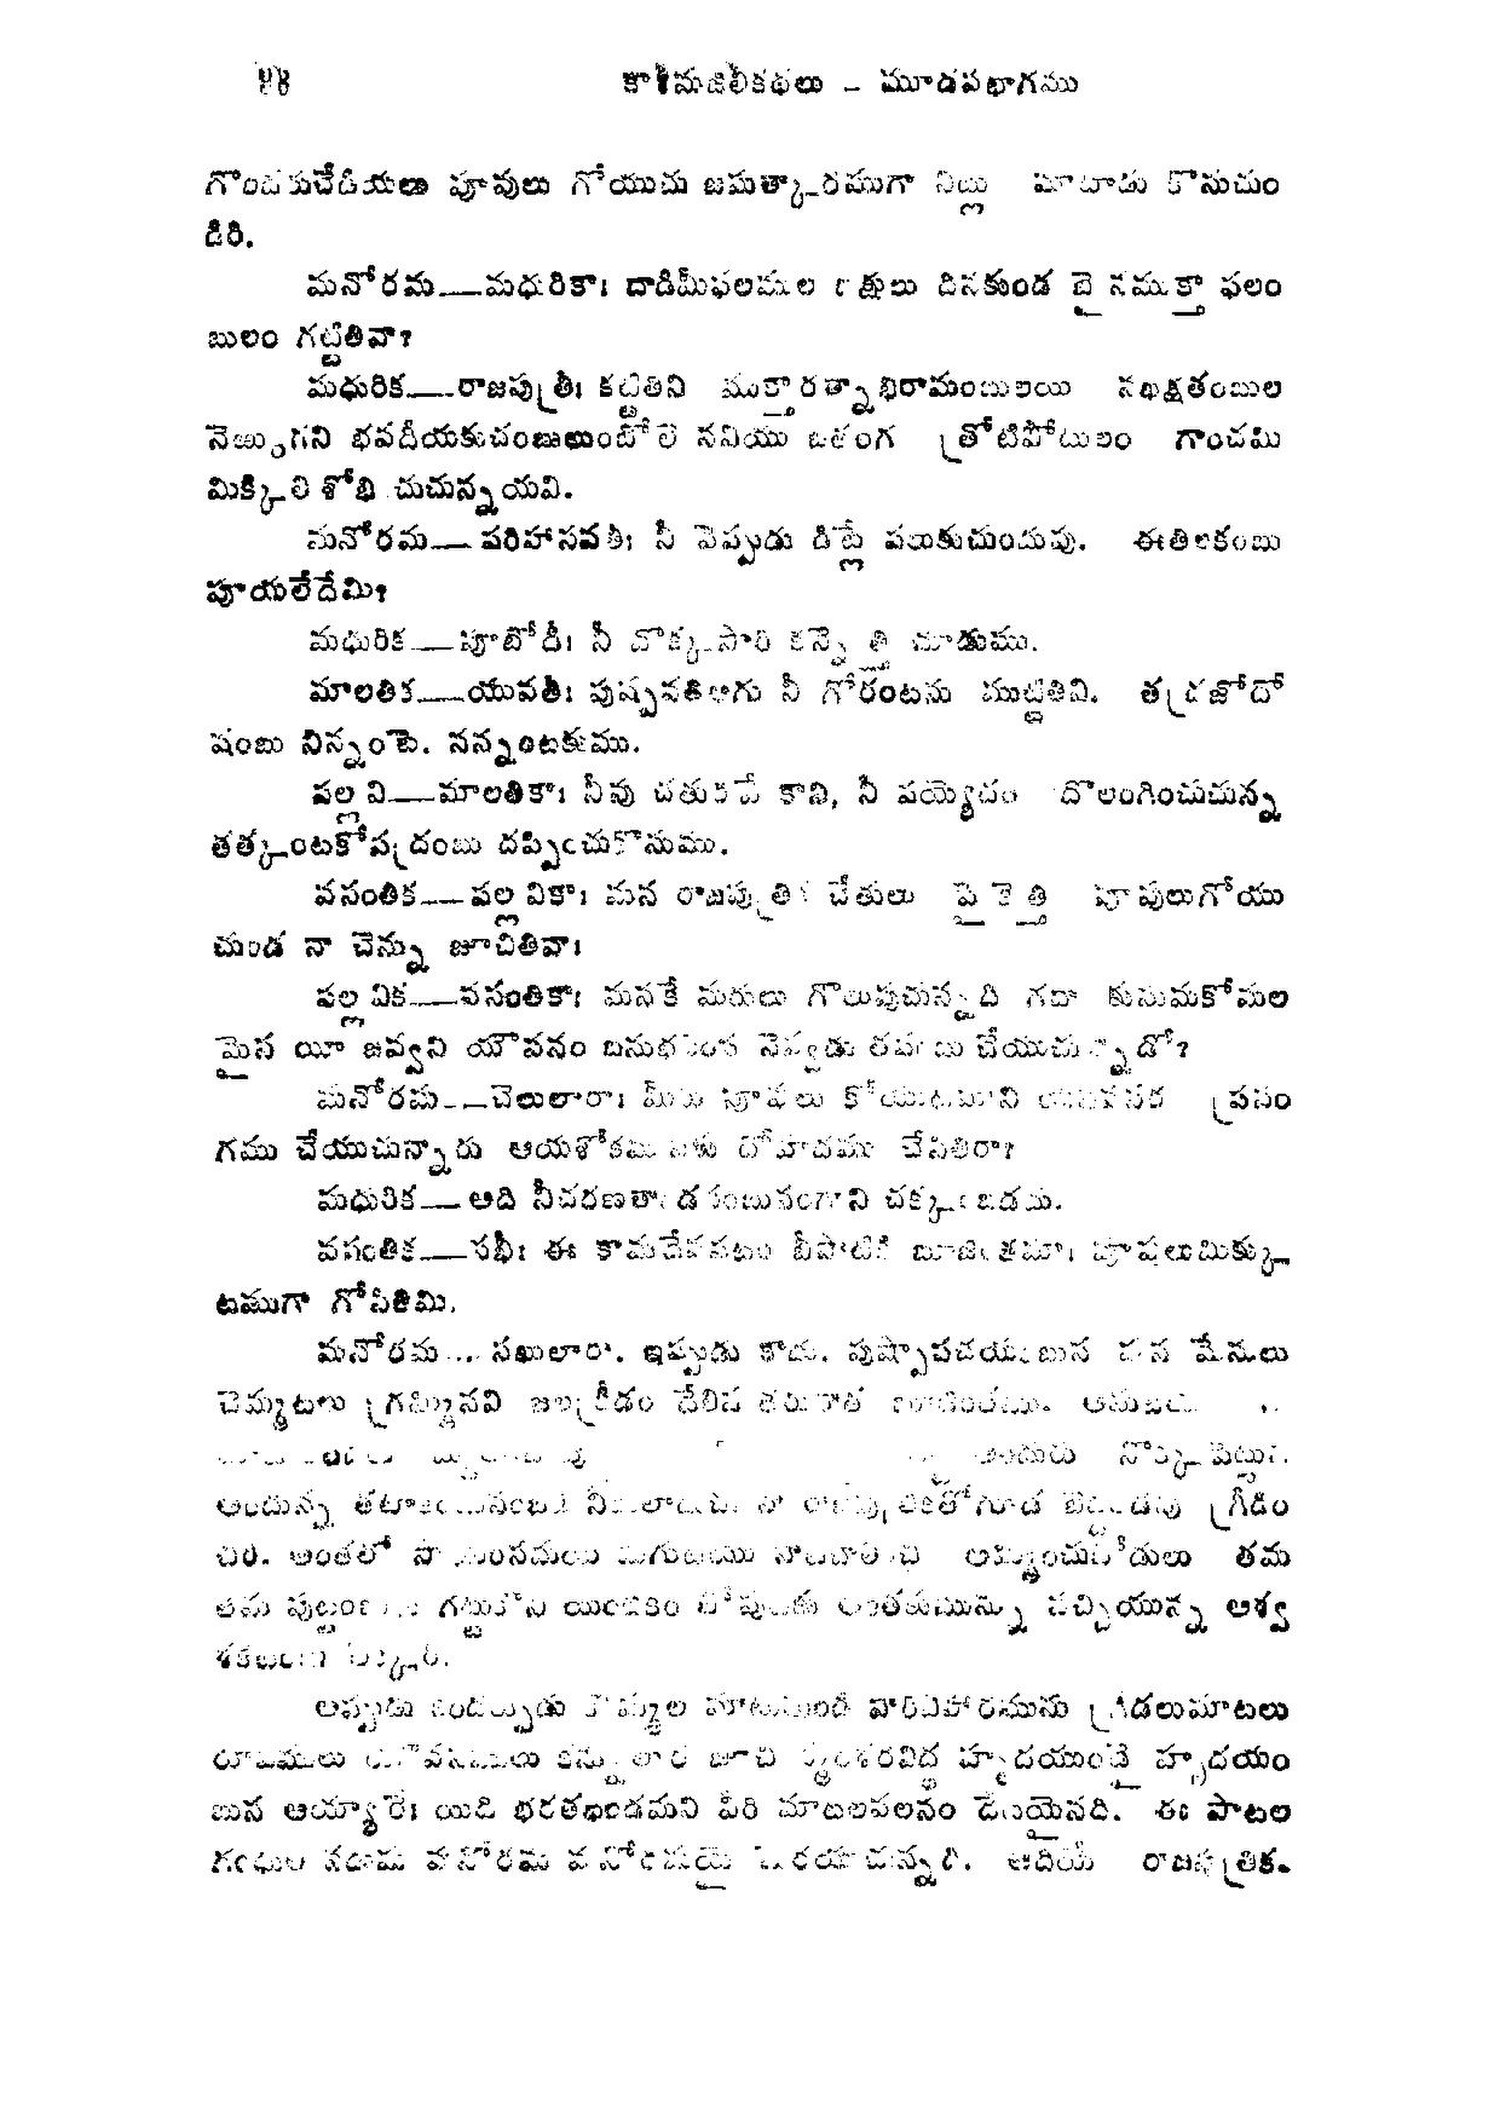గొందరుచేడియలు పూవులు గోయుచు జమత్కారముగా నిట్లు మాటాడు కొనుచుండిరి.

మనోరమ - మధురికా! దాడిమీఫలముల బక్షులు దినకుండ బైనముక్తాఫలంబులం గట్టితివా ?

మధురిక - రాజపుత్రీ! కట్టితిని ముక్తారత్నాభిరామంబులయి నఖక్షతంబుల నెఱుంగని భవదీయకుచంబులుంబోలె నవియు బతంగ త్రోటిపోటులం గాంచమి మిక్కిలి శోభించుచున్నయవి.

మనోరమ - పరిహాసవతీ 1 నీ వెప్పుడు డిట్లే పలుకుచుందువు. ఈతిలకంబు పూయలేదేమి?

మధురిక - పూబోడీ! నీ వొక్కసారి కన్నెత్తి చూడుము.

మాలతిక - యువతీ! పుష్పవతిఅగు నీ గోరంటను ముట్టితిని. తద్రజోదోషంబు నిన్నంటె. నన్నంటకుము.

పల్లవి - మాలతికా! నీవు చతురవే కాని, నీ పయ్యెదం దొలంగించుచున్న తత్కంటకోసద్రంబు దప్పించుకొనుము.

వసంతిక -- పల్లవికా! మన రాజపుత్రిక చేతులు పైకెత్తి పూవులుగోయుచుండ నా చెన్ను జూచితివా!

పల్లవిక - వసంతికా! మనకే మరులు గొలుపుచున్నది గదా కుసుమకోమలమైన యీ జవ్వని యౌవనం బనుభవింప నెవ్వడు తపంబు చేయుచున్నాడో?

మనోరమ - చెలులారా! మీరు పూవులు కోయుటమాని యనవసరప్రసంగము చేయుచున్నారు ఆయశోకమునకు దోహదము చేసితిరా?

మధురిక - అది నీచరణతాఁడనంబునంగాని చక్కఁబడదు.

వసంతిక - సఖీ! ఈ కామదేవపటం బీపాటికి బూజింతమా! పూవులుమిక్కుటముగా గోసితిమి.

మనోరమ - సఖులార. ఇప్పుడు కాదు. పుష్పాపచయంబున మన మేనులు చెమ్మటలు గ్రమ్మినవి జలక్రీడం దేలిన తరువాత బూజింతము. అనుటయు ..........................నొక్కపెట్టున అంటున్న తటాకంబునం బడి నీదులాడుచు రాజపుత్రికతోగూడ బెద్దదడవు గ్రీడించిరి. అంతలో సాయంసమయ మగుటయు నాట చాలించి యమ్మించుబోడులు తమ తమ పుట్టంబులం గట్టుకొని యింటికిం బోవుటకు అంతకుమున్ను వచ్చియున్న అశ్వశకటంబు లెక్కిరి.

అప్పుడు కందర్పుడు కొమ్మల మాటునుండి వారివిహారమును గ్రీడలుమాటలు రూపములు యౌవనములు కన్నులార జూచి స్మరశరవిద్ధహ్మదయుండై హృదయంబున అయ్యారే! యిది భరతఖండమని వీరి మాటలవలనం దేటయైనది. ఈ పాటలగంధుల నడుమ మనోరమ మనోరమయై మెరయుచున్నది. అదియే రాజపుత్రిక.